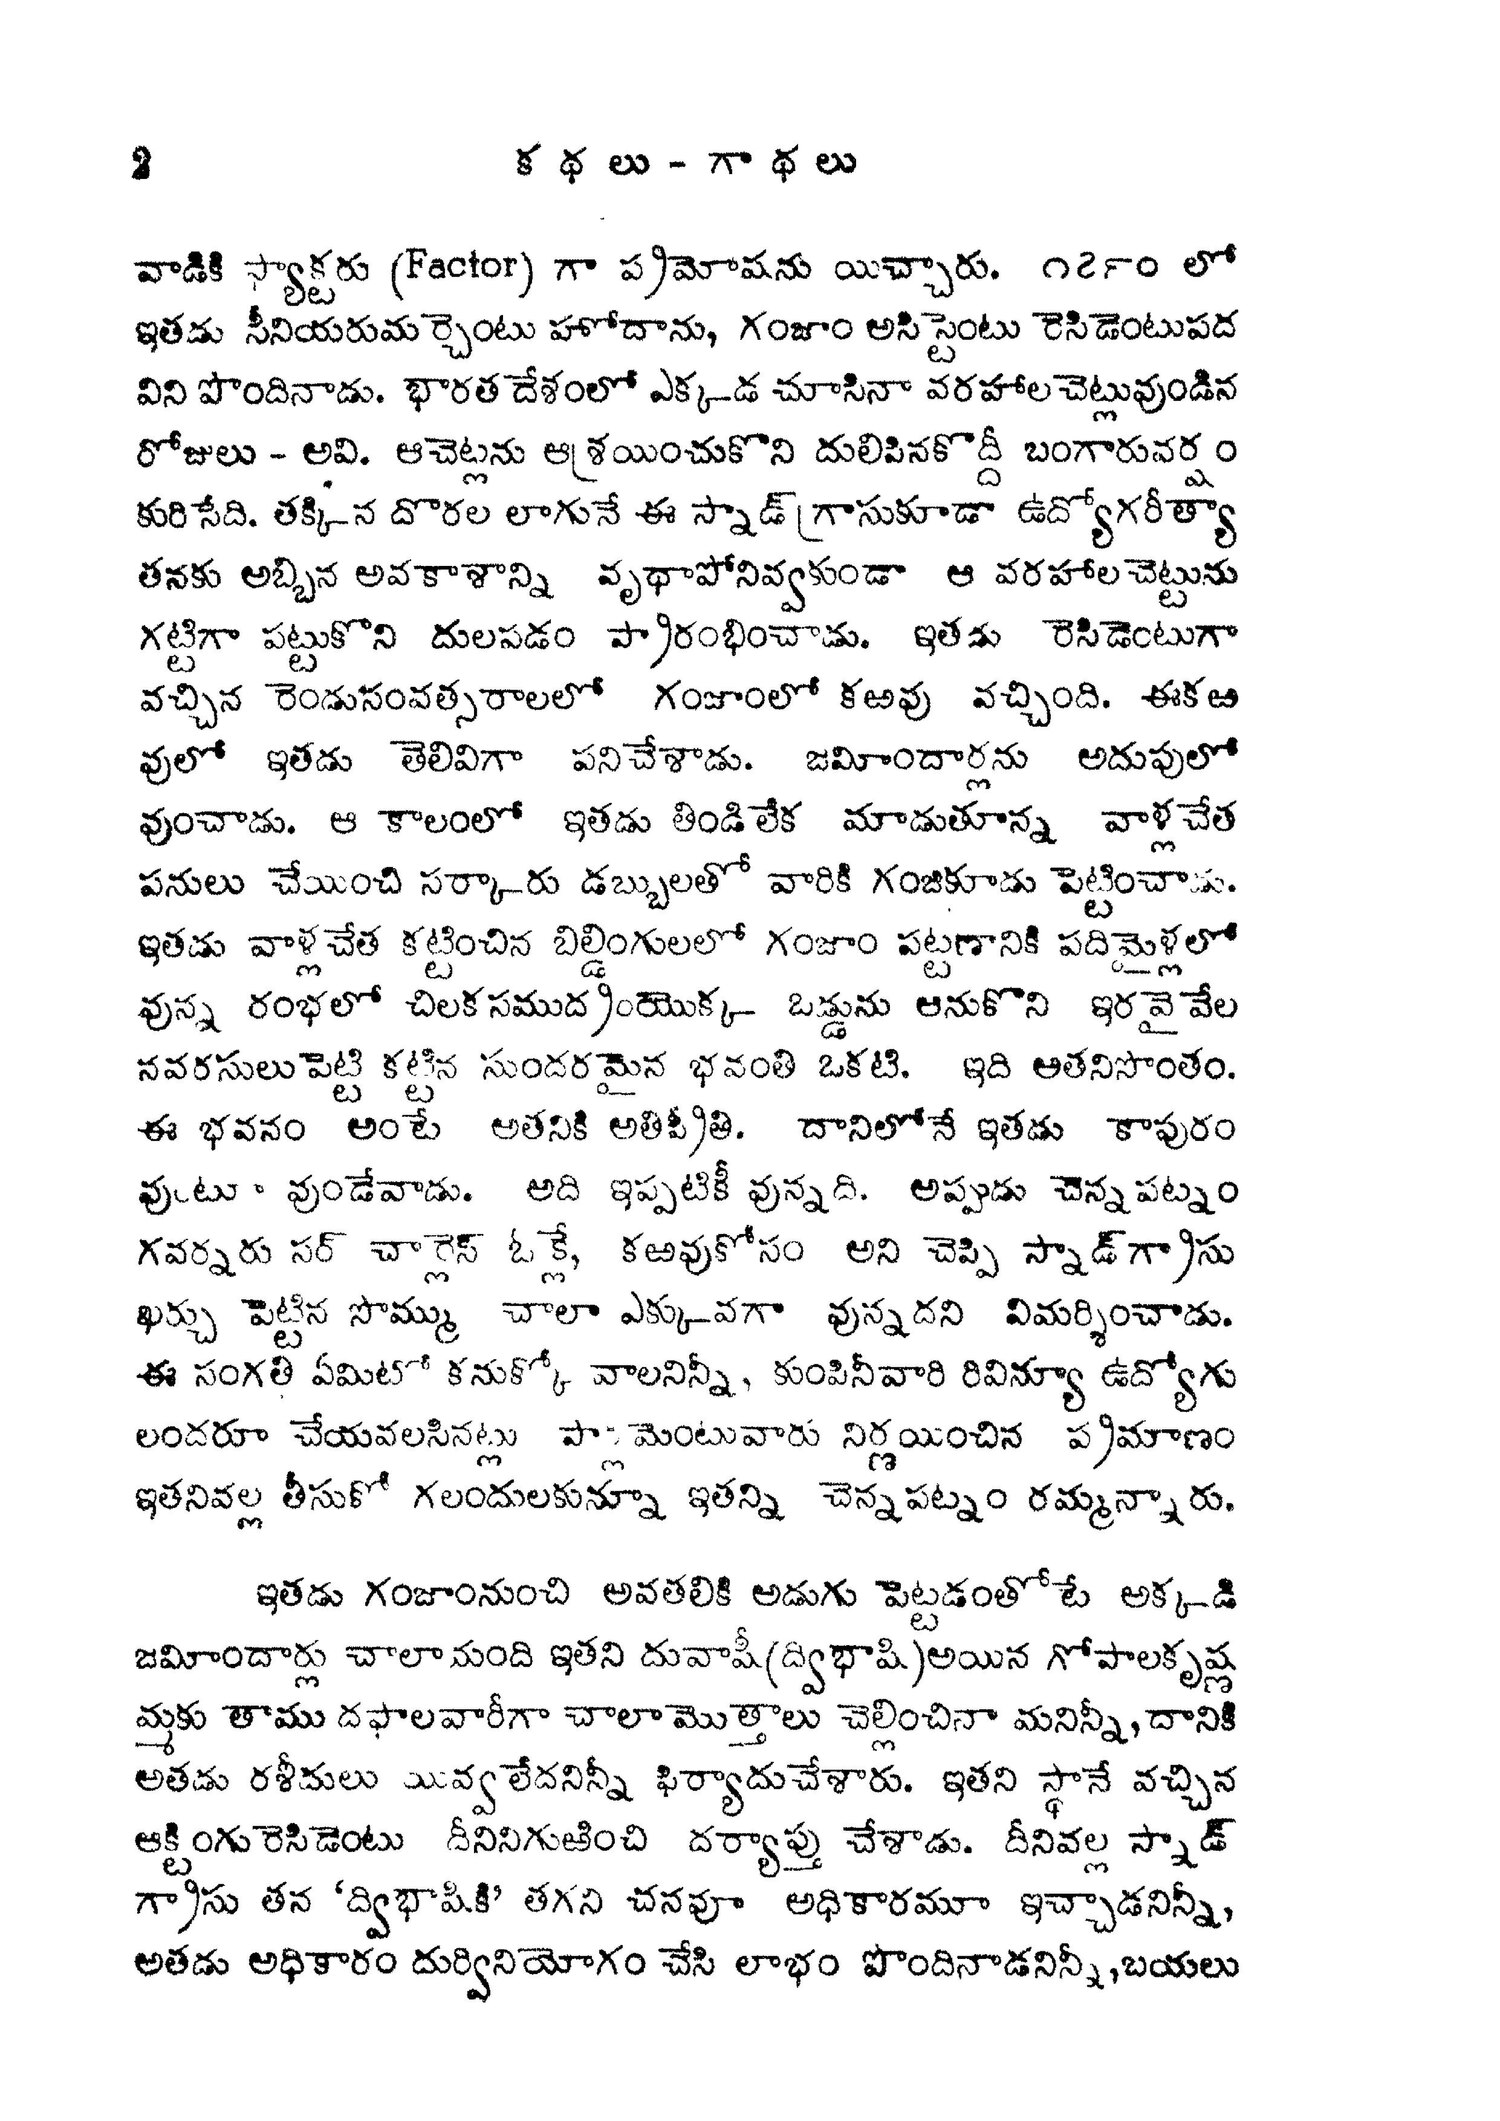వాడికి ఫ్యాక్టరు (Factor) గా ప్రమోషను యిచ్చారు. 1790 లో ఇతడు సీనియరు మర్చెంటు హోదాను, గంజాం అసిస్టెంటు రెసిడెంటు పదవిని పొందినాడు. భారతదేశంలో ఎక్కడ చూసినా వరహాల చెట్లువుండిన రోజులు - అవి. ఆచెట్లను ఆశ్రయించుకొని దులిపినకొద్దీ బంగారువర్షం కురిసేది. తక్కిన దొరల లాగునే ఈ స్నాడ్ గ్రాసుకూడా వుద్యోగరీత్యా తనకు అబ్బిన అవకాశాన్ని వృధాపోనివ్వకుండా ఆ వరహాలచెట్టును గట్టిగా పట్టుకొని దులపడం ప్రారంభించాడు. ఇతడు రెసిడెంటుగా వచ్చిన రెండుసంవత్సరాలలో గంజాంలొ కఱవు వచ్చించి ఈకఱవు లో ఇతడు తెలివిగా పనిచేశాడు. జమీందార్లను అదుపులో వుంచాడు. ఆ కాలంలో ఇతడు తిండిలేక మాడుతూన్న వాళ్లచేత పనులు చేయించి సర్కారు డబ్బులతో వారికి గంజికూడు పెట్టించాడు. ఇతడు వాళ్లచేత కట్టించిన బిల్డింగులలో గంజాం పట్టణానికి పదిమైళ్లలో వున్న రంభలో చిలకసముద్రంయొక్క ఒడ్డును ఆనుకొని ఇరవైవేల నవరసలుపెట్టి కట్టిన సుందర మైన భవంతి ఒకటి. ఇది అతనిసొంతం. ఈ భవనం అంటే అతనికి అతిప్రీతి. దానిలోనే ఇతడు కాపురం వుంటువుండేవాడు. అది ఇప్పటికీ వున్నది. అప్పుడు చెన్నపట్నం గవర్నరుల్ స్దర్ చార్లెస్ ఓక్లే, కఱవుకోసం అని చెప్పి స్నాడ్ గ్రాసు ఖర్చుపెట్తిన సొమ్ము చాలా ఎక్కువగా వున్నదని విమర్శించాడు. ఈ సంగతి ఏమిటో కనుక్కో వాలనిన్నీ, కుంపినీవారి రెవెన్యూ ఉద్యోగులందరూ చేయవలసినట్లు పార్లమెంటువారు నిర్ణయించిన ప్రమాణం ఇతనివల్ల తీసుకో గలందులకున్నూ ఇతన్ని చెన్నపట్నం రమ్మన్నారు.

ఇతడు గంజాంనుంచి అవతలికి అడుగు పెట్టడంతోటే అక్కడి జమీందార్లు చాలామంది ఇతని దువాషీ (ద్విభాషి)అయిన గొపాలకృష్ణమ్మకు తాము దఫాలవారీగా చాలామొత్తాలు చెల్లించినా మనిన్నీ, దానికి అతడు రశీదులు యివ్వలేదనిన్నీ ఫిర్యాదుచేశారు. దీనివల్ల స్నాడ్ గ్రాసు తన 'ద్విభాషికి ' తగని చనవూ అధికారమూ ఇచ్చాడనిన్నీ, అతడు అధికారం దుర్వినియోగం చేసి లాభం పొందినాడనిన్నీ, అతడు అధికారం దుర్వినియోగం చేసి లాభం పొందినాడనిన్నీ, బయలు